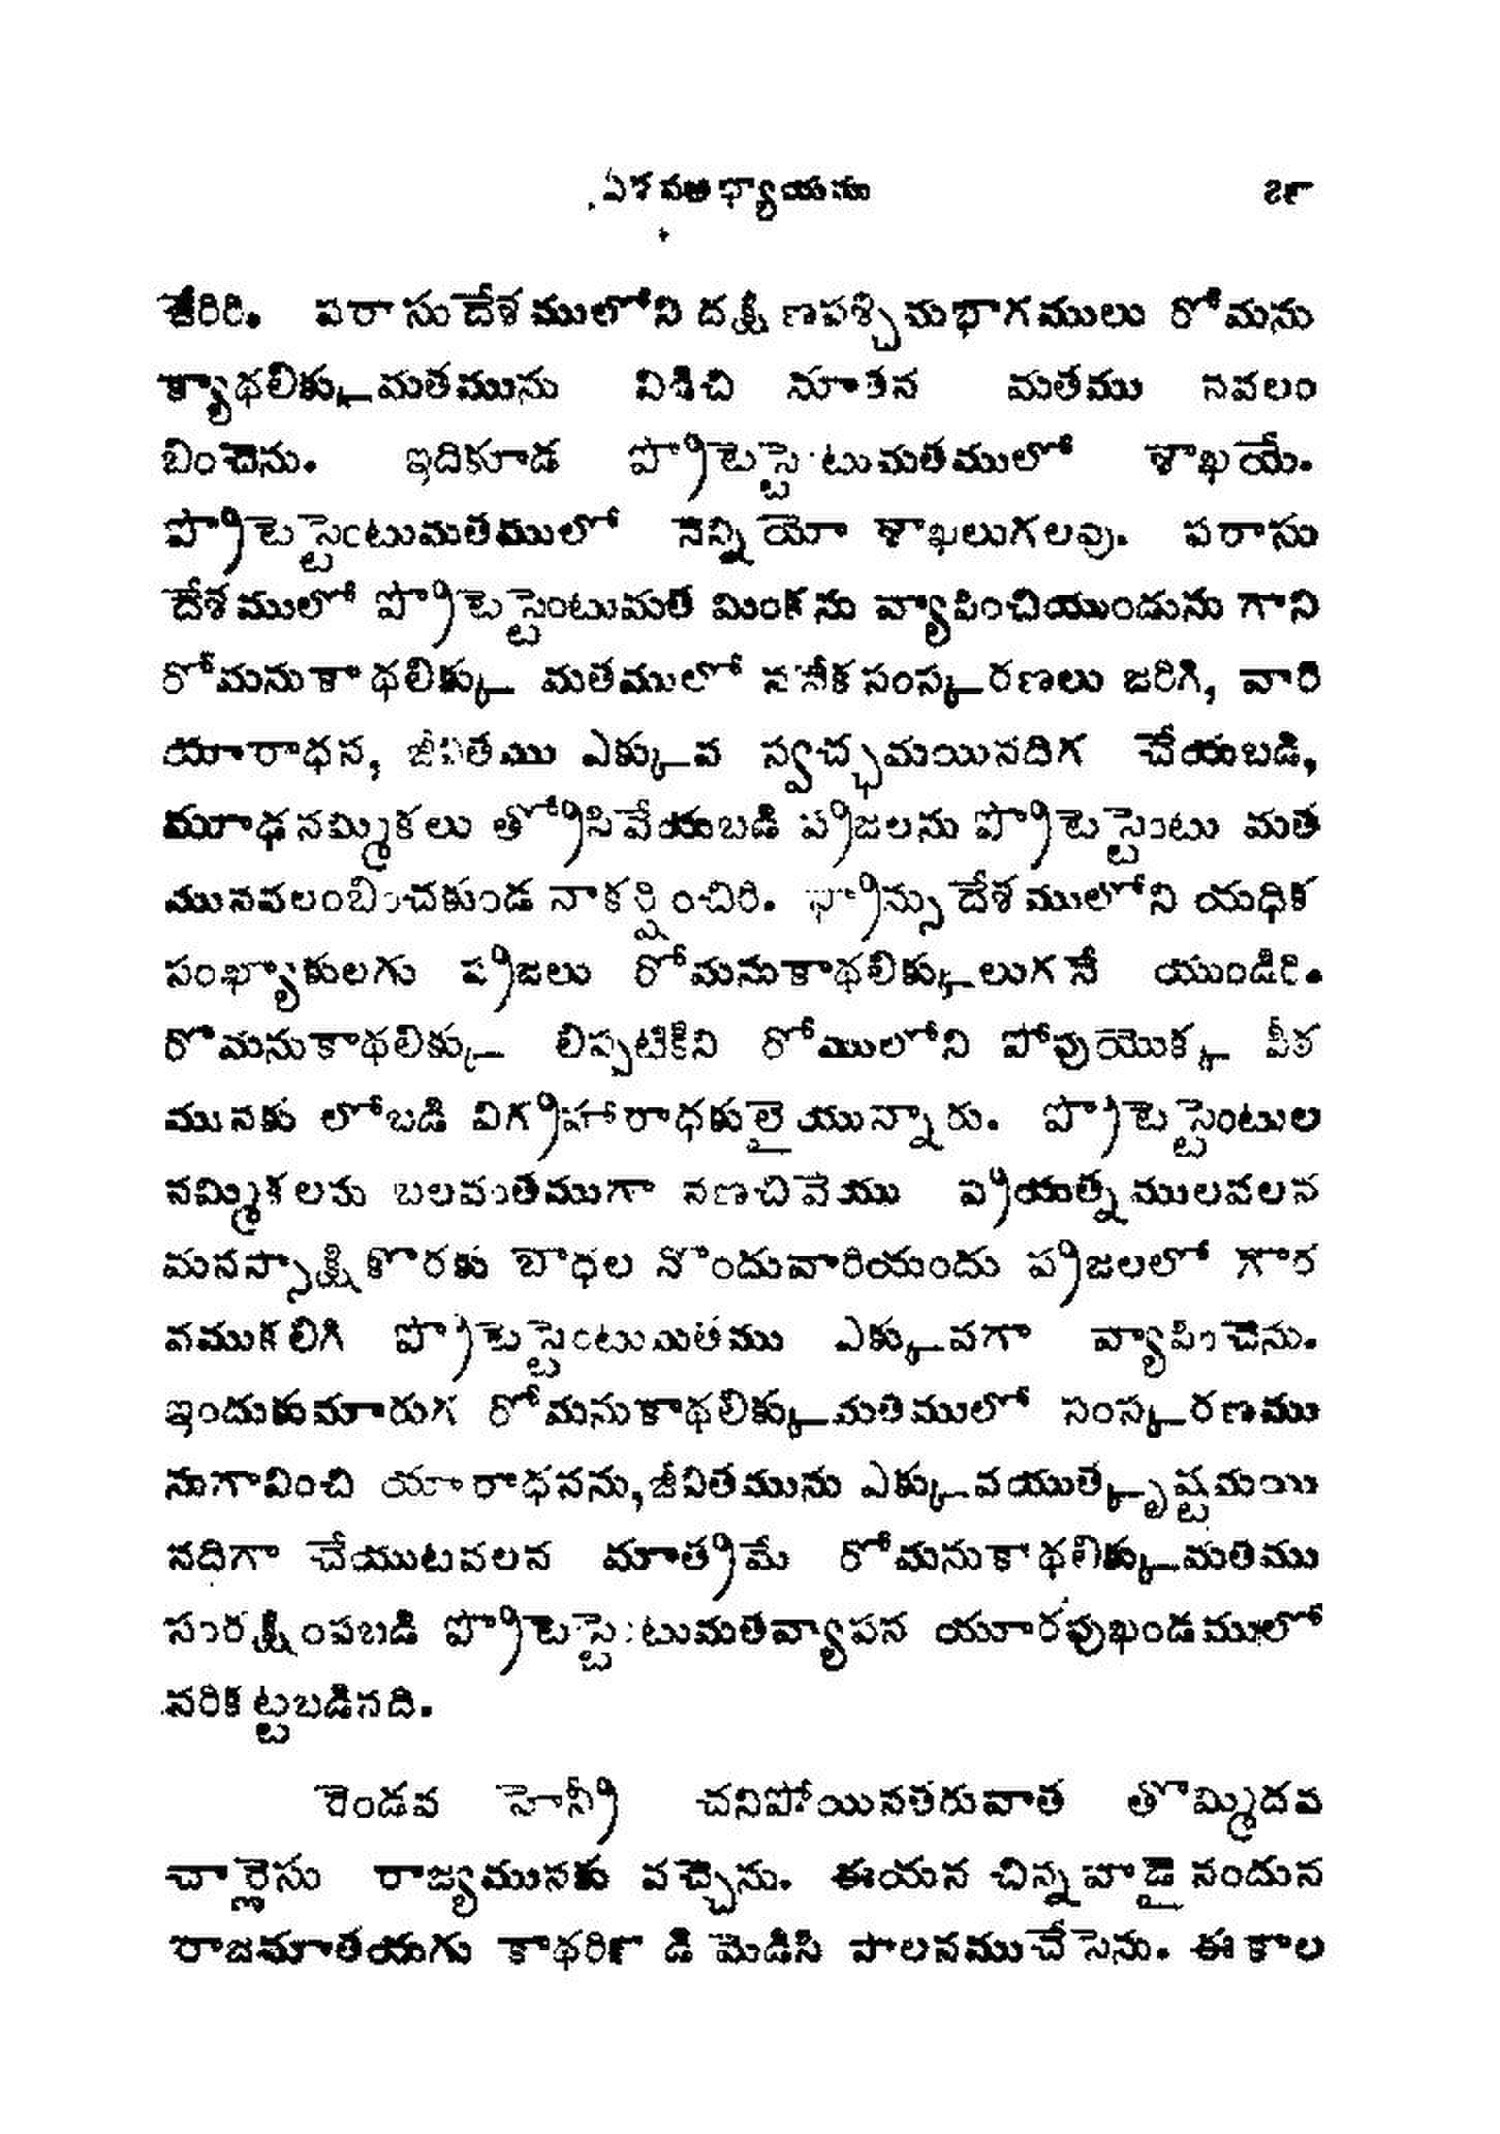చేరిరి. పరాసుదేశములోని దక్షీణపశ్చిమ భాగములు రోమను
క్యాథలిక్కు మతమును విడిచి మాతన మతముసవలం
బించెను. ఇదికూడ ప్రొటెస్టెంటు మతములో శాఖయే.
ప్రొటెస్టెంటు మతములో నెన్నియో శాఖలుగలవు. పరాసు
దేశములో ప్రొటెస్టెంటు మత మింకసు వ్యాపించి యుండును గాని
రోమసు కాథలిక్కు మతములో ననేక సంస్కరణలు జరిగి, వారి
యరాధన, జీవితము ఎక్కువ స్వచ్ఛమయినదిగ చేయబడి,
మూఢ నమ్మికలు తోసివేయబడి ప్రజలను ప్రొటెస్టెంటు మత
మునవలంబించ కుండ నాకర్షించిరి. ప్రాస్సు దేశములోని యధిక
సంఖ్యాకులగు ప్రజలు రోమసు కాథలిక్కులుగనే యుండిరి.
రోమను కాథలిక్కు లిష్పటికీని రోములోని పోవు యొక్క పీఠ
ముసకు లోబడి విగ్రహారాధకులై యున్నారు. పొటెస్టెంటుల
నమ్మికలను బలవంతముగా నణచివేయు ప్రయత్నముల వలన
మనస్సాక్షి కొరకు బాధల నొందు వారియందు ప్రజలలో గౌర
వము కలిగి ప్రొటస్టెంటు మతము ఎక్కువగా వ్యాపించెసు.
ఇందుకు మారుగా రోమను కాథలిక్కు మతములో సంస్కరణము
సు గావించి యారాధనను, జీవితమును ఎక్కువ యుత్కృష్టమయి
సదిగా చేయుటవలన మాత్రమే రోమను కాథలిక్కు మతము
సంరక్షింపబడి ప్రొటెస్టెంటు మతవ్యాపన యూరఫుఖండములో
నరి కట్టబడినది.

రెండవ 'హెన్రీ చనిపోయిన తరువాత తొమ్మిదవ
చార్లెసు రాజ్యమునకు వచ్చెను. ఈయన చిన్న వాడై నందున
రాజమాతయగు కాథరిన్ డి మెడిసి పాలనము చేసెను. ఈ కాల